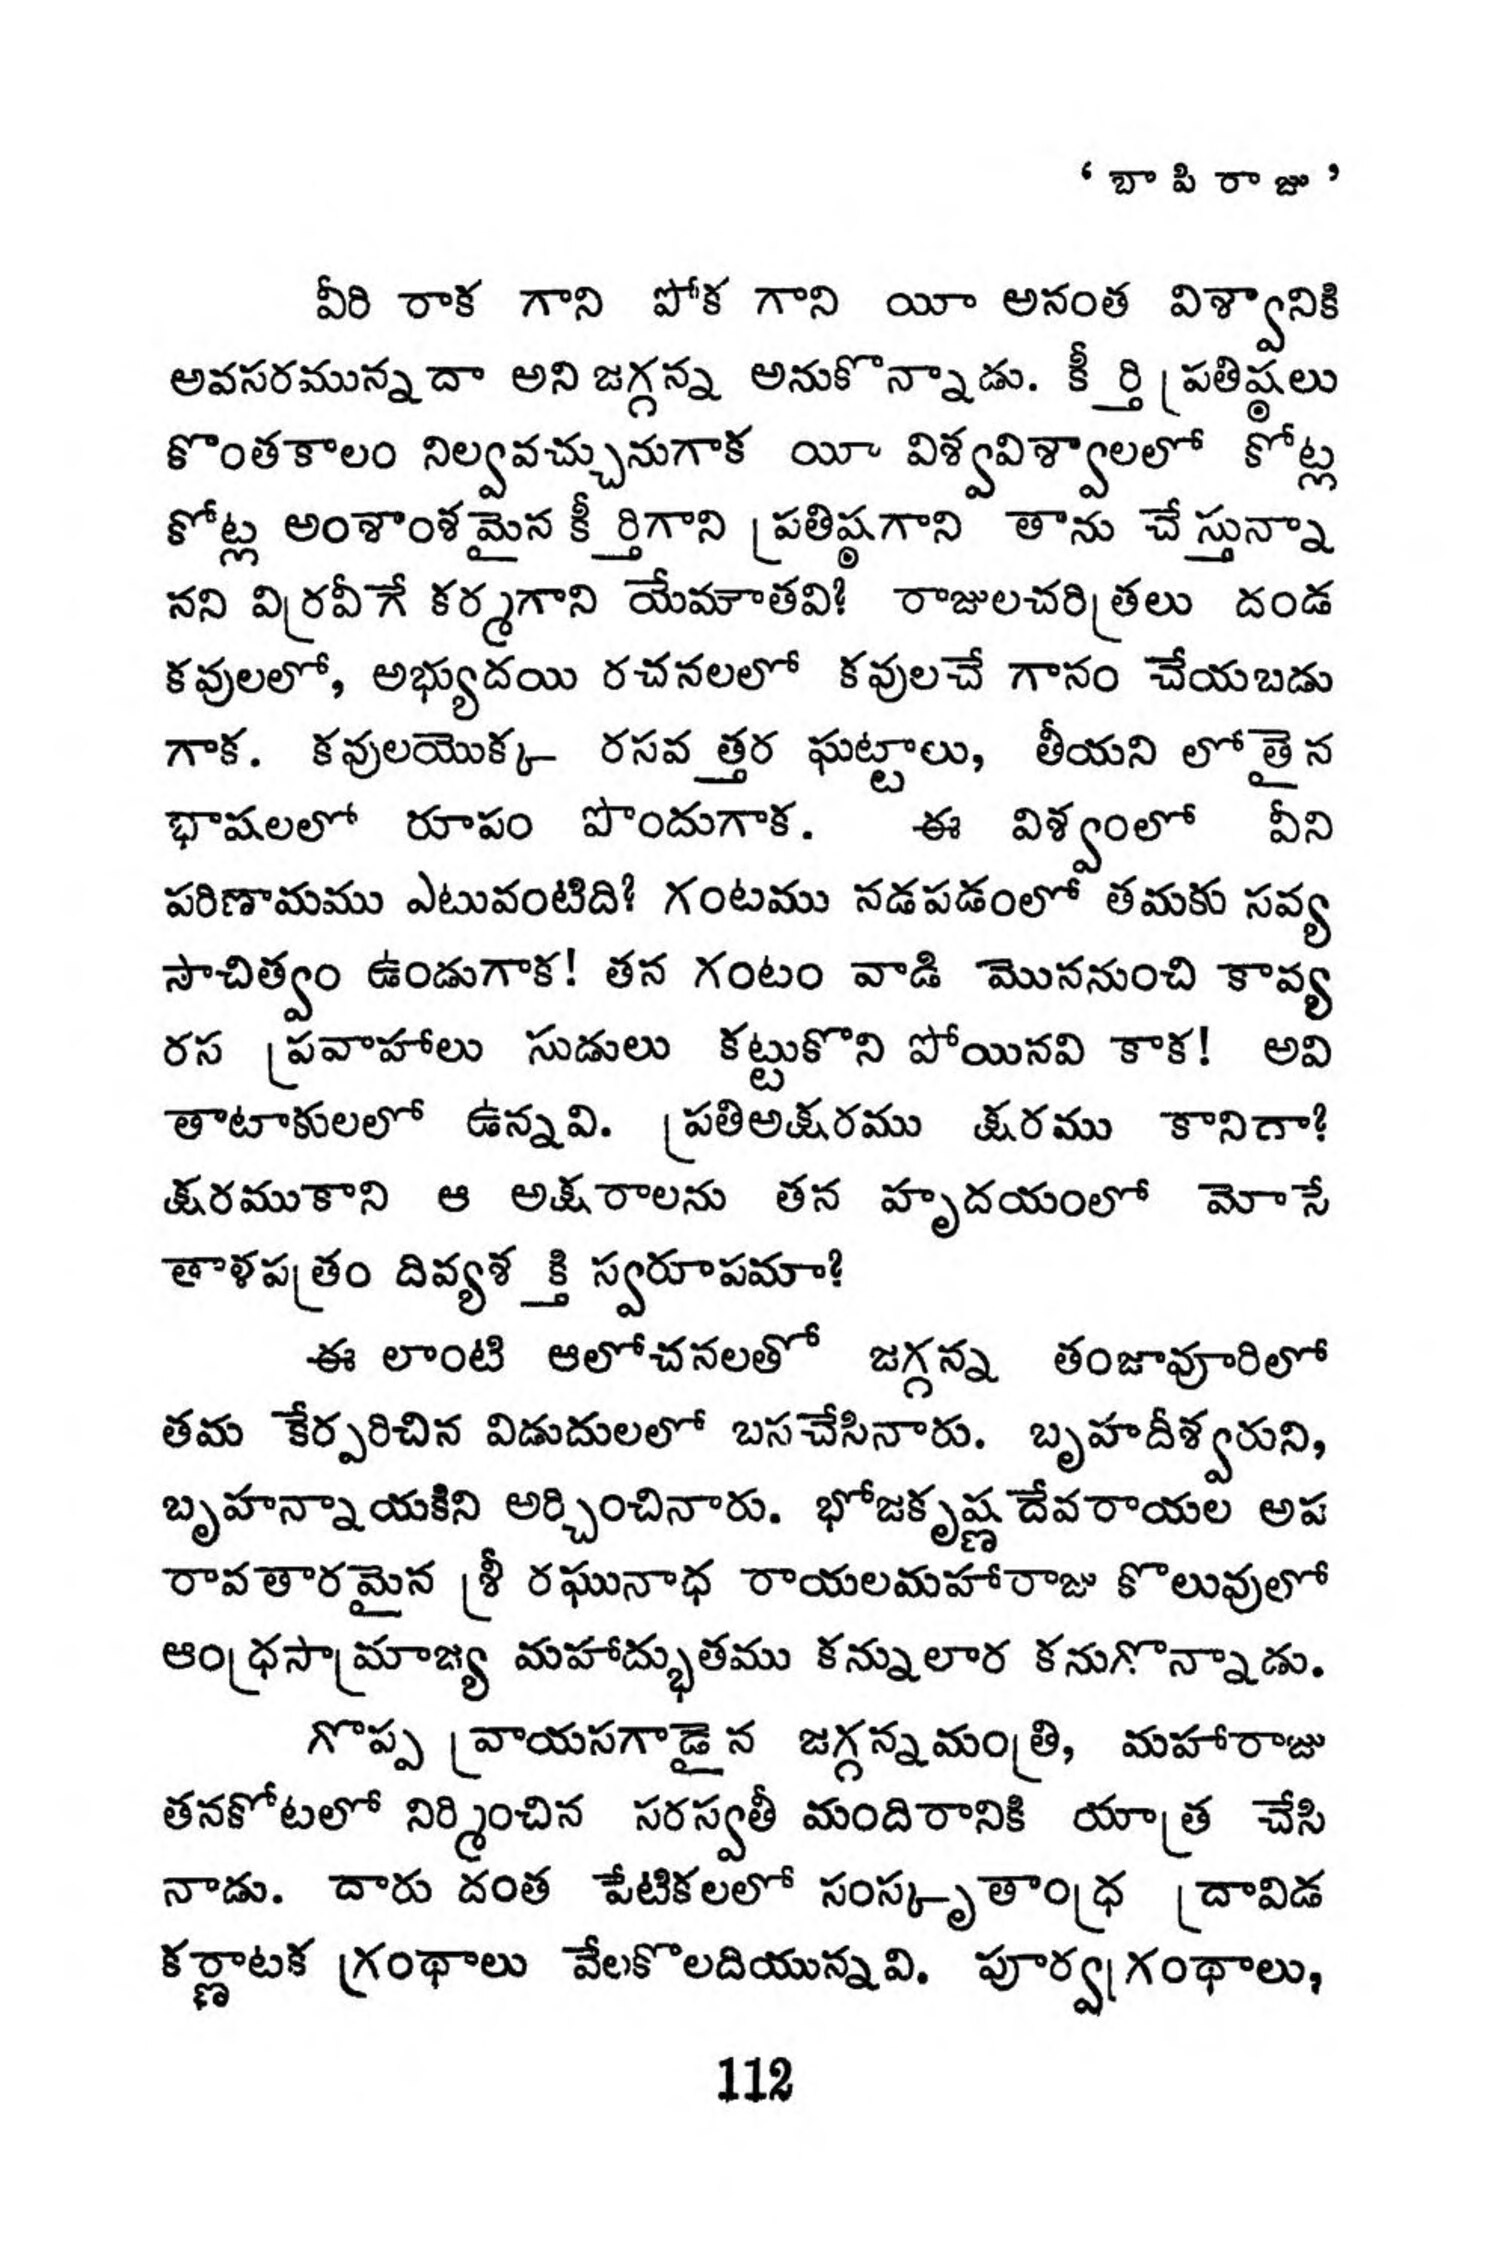వీరి రాక గాని పోక గాని యీ అనంత విశ్వానికి అవసరమున్నదా అని జగ్గన్న అనుకొన్నాడు. కీర్తి ప్రతిష్ఠలు కొంతకాలం నిల్వవచ్చునుగాక యీ విశ్వవిశ్వాలలో కోట్ల కోట్ల అంశాంశమైన కీర్తినిగాని ప్రతిష్ఠగాని తాను చేస్తున్నానని విర్రవీగే కర్మగాని యేమౌతవి? రాజులచరిత్రలు దండకవులలో, అభ్యుదయి రచనలలో కవులచే గానం చేయబడుగాక. కవులయొక్క రసవత్తర ఘట్టాలు, తీయని లోతైన భాషలలో రూపం పొందుగాక. ఈ విశ్వంలో వీని పరిణామము ఎటువంటిది? గంటము నడపడంలో తమకు సవ్య సాచిత్వం ఉండుగాక! తన గంటం వాడి మొననుంచి కావ్యరస ప్రవాహాలు సుడులు కట్టుకొని పోయినవి కాక! అవి తాటాకులలో ఉన్నవి. ప్రతిఅక్షరము క్షరము కానిదా? క్షరముకాని ఆ అక్షరాలను తన హృదయంలో మోసే తాళపత్రం దివ్యశక్తి స్వరూపమా?

ఈ లాంటి ఆలోచనలతో జగ్గన్న తంజావూరిలో తమ కేర్పరిచిన విడుదులలో బసచేసినారు. బృహదీశ్వరుని, బృహన్నాయకిని అర్చించినారు. భోజకృష్ణదేవరాయల అపరావతారమైన శ్రీ రఘునాధ రాయలమహారాజు కొలువులో ఆంధ్రసామ్రాజ్య మహాద్భుతము కన్నులార కనుగొన్నాడు.

గొప్ప వ్రాయసగాడైన జగ్గన్నమంత్రి, మహారాజు తనకోటలో నిర్మించిన సరస్వతీ మందిరానికి యాత్ర చేసినాడు. దారు దంత పేటికలలో సంస్కృతాంధ్ర ద్రావిడ కర్ణాటక గ్రంథాలు వేలకొలదియున్నవి. పూర్వగ్రంథాలు,